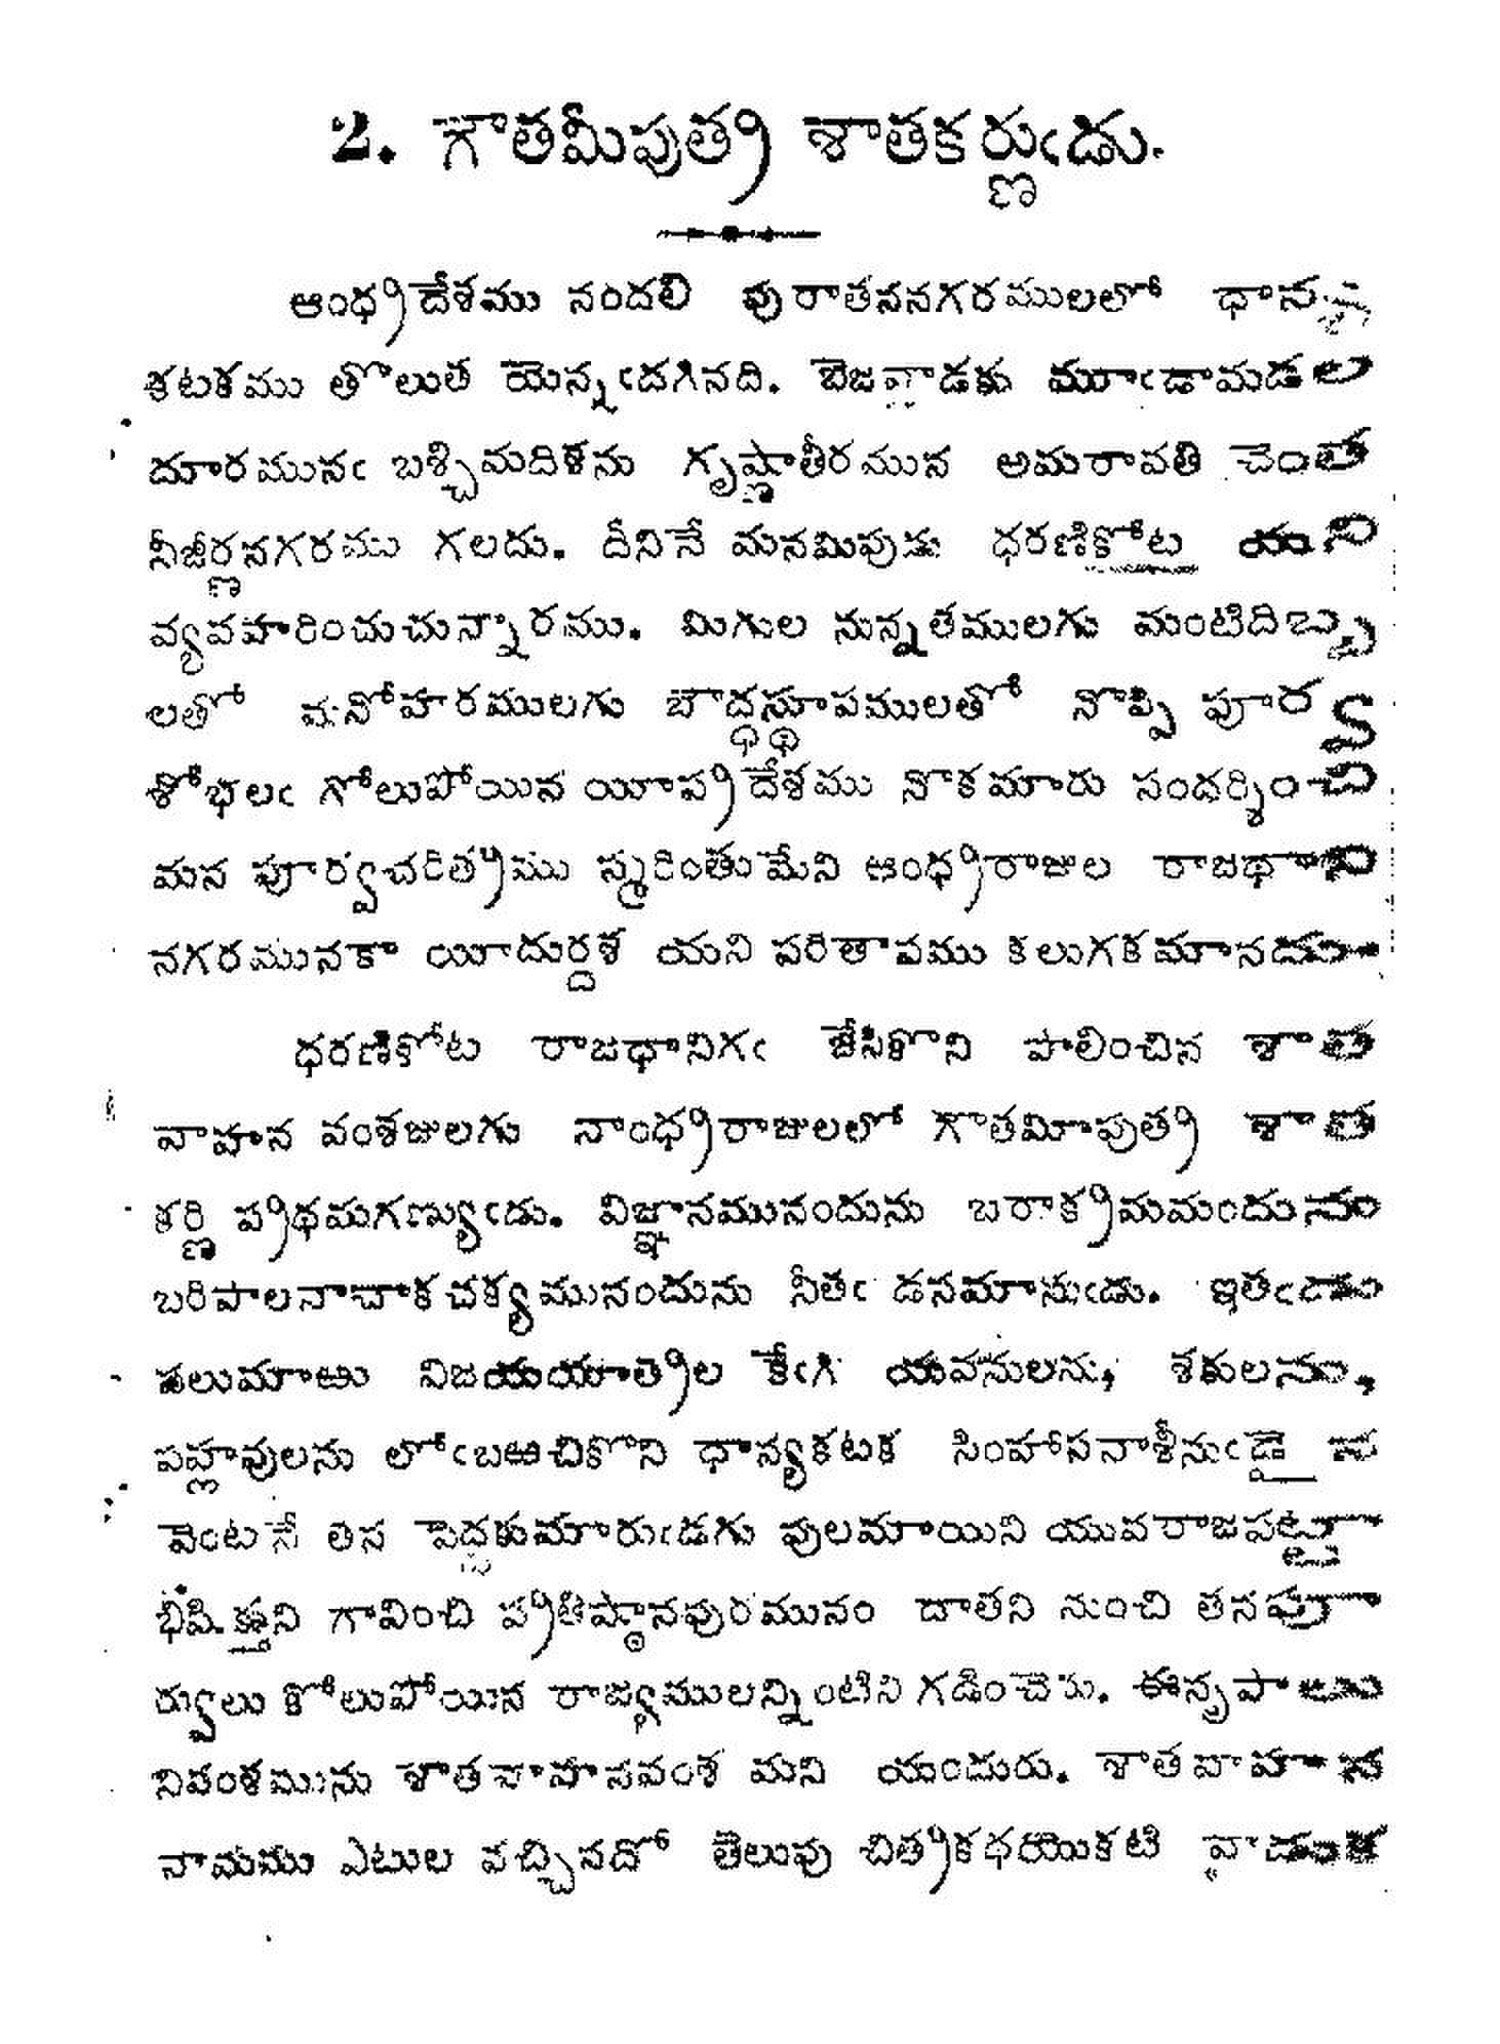ఆంధ్రదేశము నందలి పురాతననగరములలో ధాన్యకటకము తొలుత యెన్నదగినది. బెజవాడకు మూడామడల దూరమున బశ్చిమదిశను గృష్ణాతీరమున అమరావతి చెంత నీజీర్ణనగరము గలదు. దీనినే మనమిపుడు ధరణికోట యని వ్యవహరించుచున్నారము. మిగుల నున్నతములగు మంటిదిబ్బలతో మనోహరములగు బౌద్ధస్థూపములతో నొప్పి పూర్వశోభల గోలుపోయిన యీప్రదేశము నొకమారు సందర్శించి మన పూర్వచరిత్రము స్మరింతుమేని ఆంధ్రరాజుల రాజధాని నగరమునకా యీదుర్దశ యని పరితాపము కలుగకమానదు.

ధరణికోట రాజధానిగ జేసికొని పాలించిన శాతవాహన వంశజులగు నాంధ్రరాజులలో గౌతమీపుత్ర శాతకర్ణి ప్రథమగణ్యుడు. విజ్ఞానమునందును బరాక్రమమందును బరిపాలనాచాకచక్యమునందును నీత డసమానుడు. ఇతడు పలుమాఱు విజయయాత్రల కేగి యవనులను, శకులను, పహ్లవులను లోబఱచికొని ధాన్యకటక సింహాసనాశీనుడైన వెంటనే తన పెద్దకుమారుడగు వులమాయిని యువరాజపట్టాభిషిక్తుని గావించి ప్రతిష్ఠానపురమునం దాతని నుంచి తనపూర్వులు కోలుపోయిన రాజ్యములన్నింటిని గడించెను. ఈనృపాలుని వంశమును శాతవాహనవంశ మని యందురు. శాతవాహన నామము ఎటుల వచ్చినదో తెలుపు చిత్రకథయొకటి వాడుక